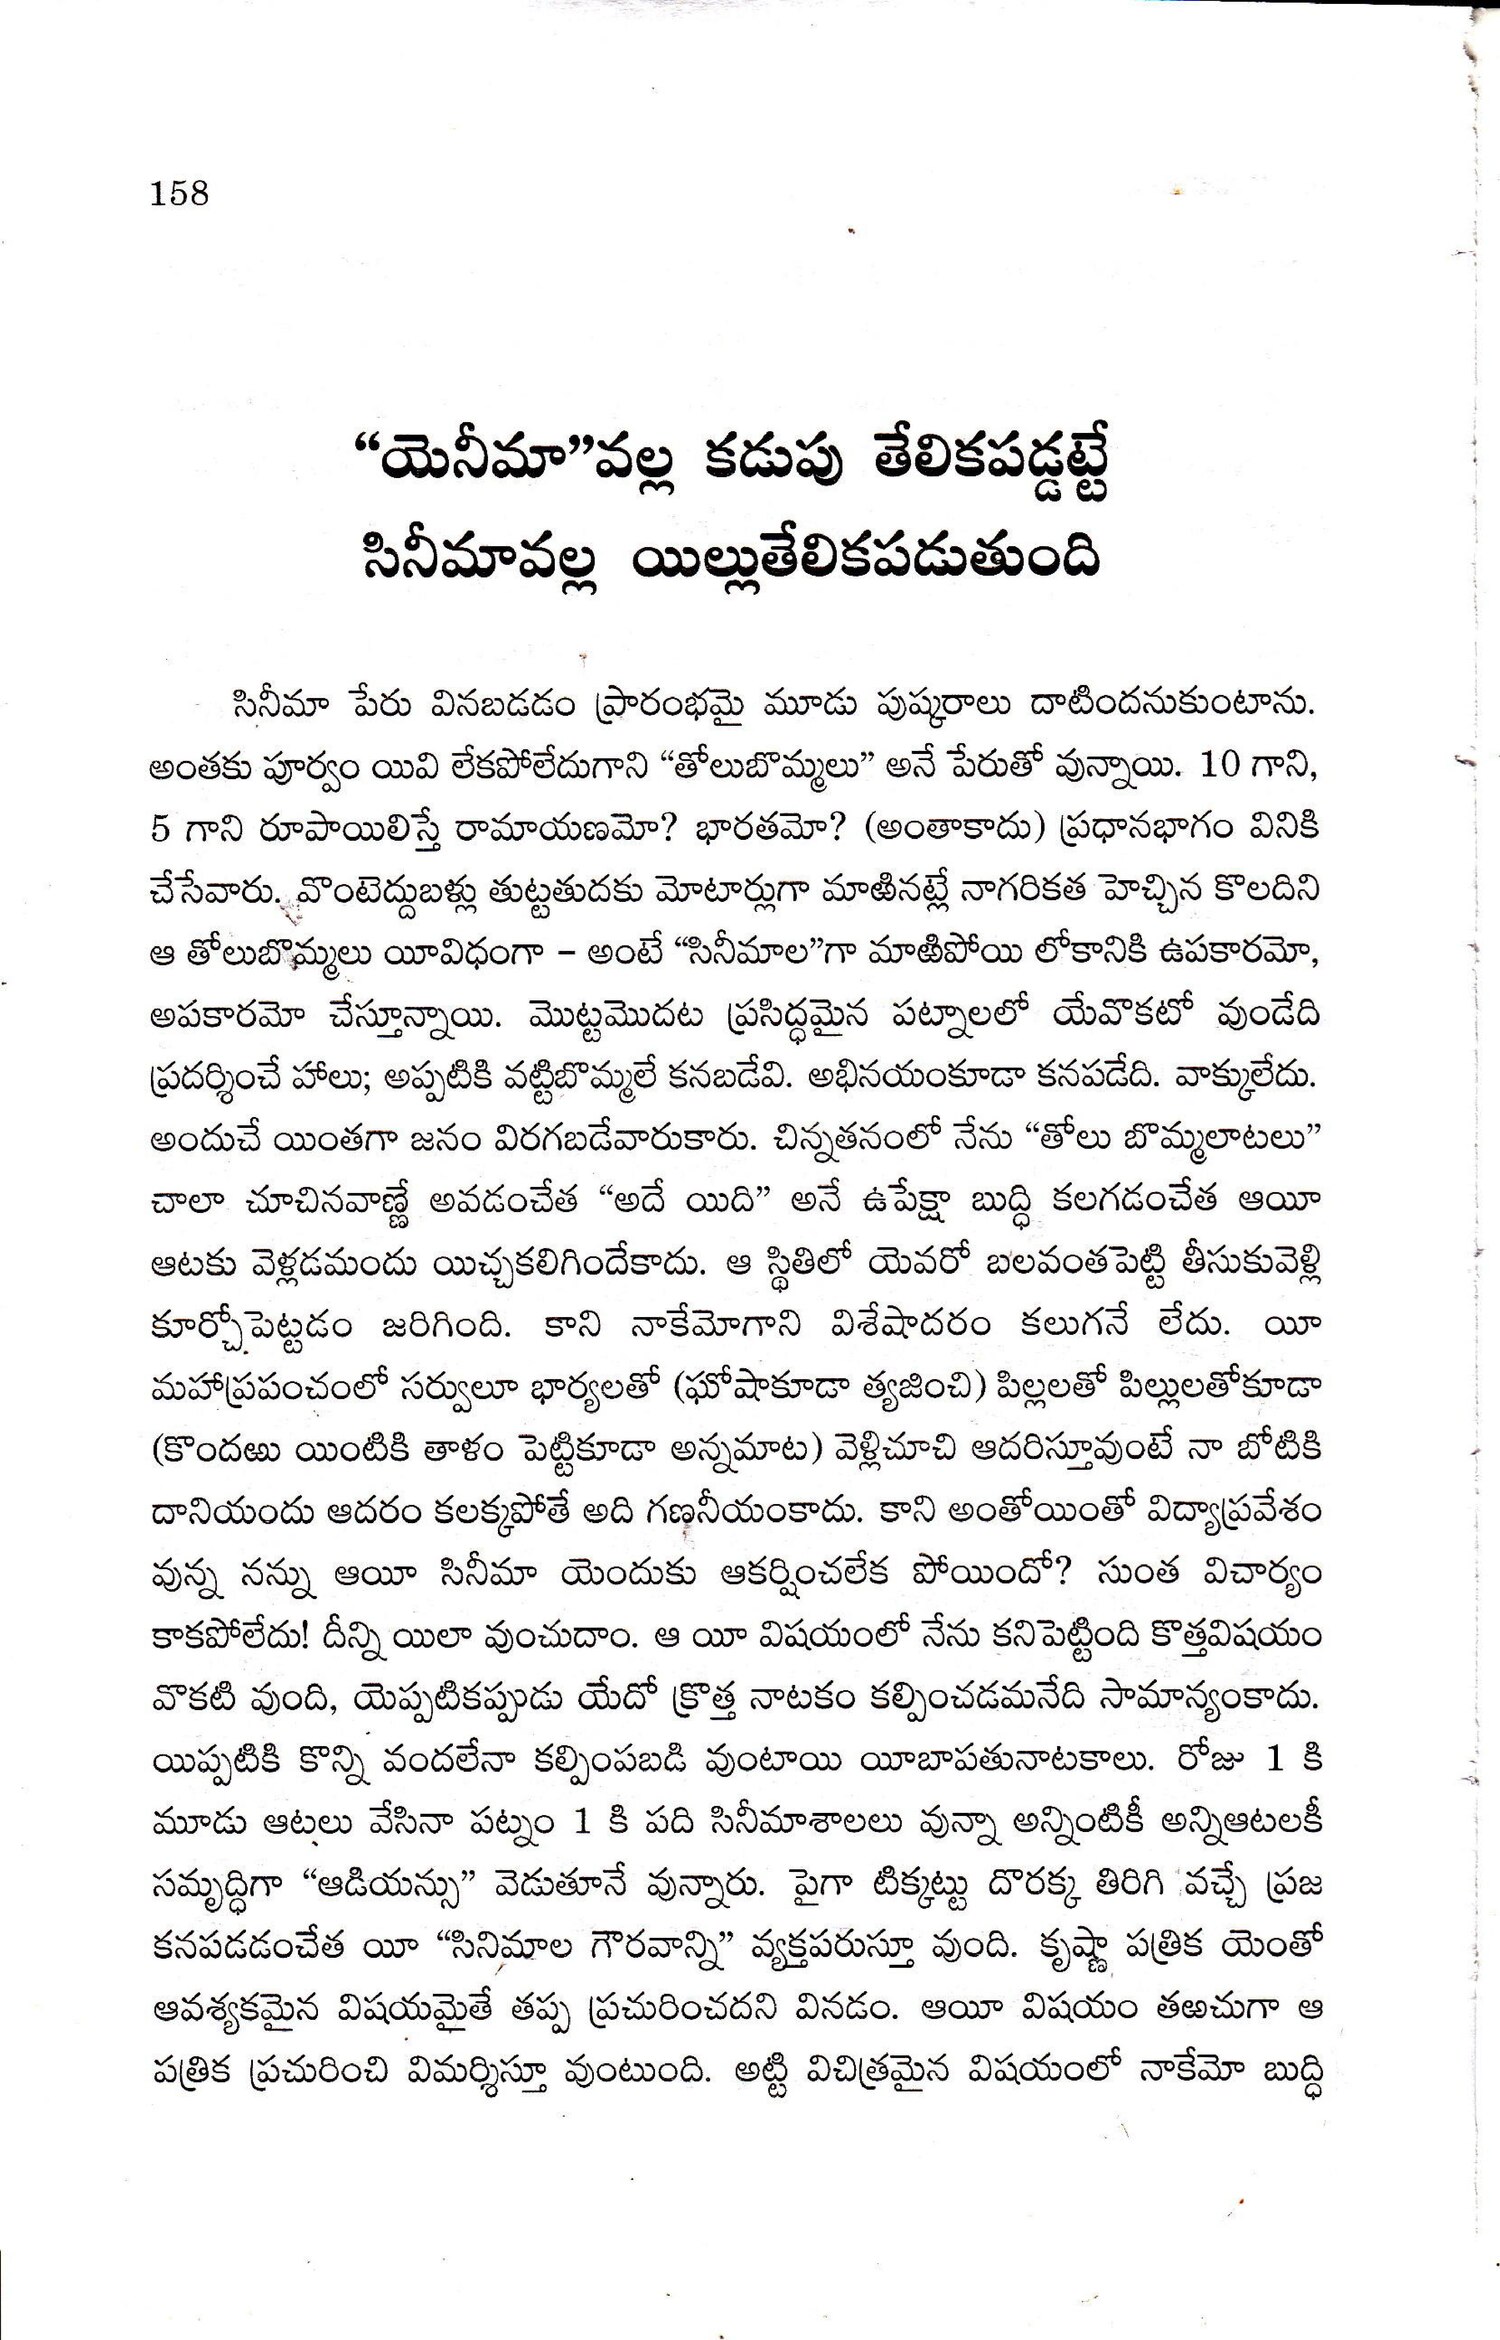సినీమా పేరు వినబడడం ప్రారంభమై మూడు పుష్కరాలు దాటిందనుకుంటాను. అంతకు పూర్వం యివి లేకపోలేదుగాని "తోలుబొమ్మలు" అనే పేరుతో వున్నాయి. 10 గాని, 5 గాని రూపాయిలిస్తే రామాయణమో? భారతమో? (అంతాకాదు) ప్రధానభాగం వినికి చేసేవారు. వొంటెద్దుబళ్లు తుట్టతుదకు మోటార్లుగా మాఱినట్లే నాగరికత హెచ్చిన కొలదిని ఆ తోలుబొమ్మలు యీ విధంగా - అంటే "సినీమాల"గా మాఱిపోయి లోకానికి ఉపకారమో, అపకారమో చేస్తూన్నాయి. మొట్టమొదట ప్రసిద్ధమైన పట్నాలలో యేవొకటో వుండేది ప్రదర్శించే హాలు; అప్పటికి వట్టిబొమ్మలే కనబడేవి. అభినయంకూడా కనపడేది. వాక్కులేదు. అందుచే యింతగా జనం విరగబడేవారుకారు. చిన్నతనంలో నేను "తోలు బొమ్మలాటలు" చాలా చూచినవాణ్ణి అవడంచేత "అదే యిది" అనే ఉపేక్షా బుద్ధి కలగడంచేత ఆయీ ఆటకు వెళ్లడమందు యిచ్చకలిగిందేకాదు. ఆ స్థితిలో యెవరో బలవంతపెట్టి తీసుకువెళ్లి కూర్చోపెట్టడం జరిగింది. కాని నాకేమోగాని విశేషాదరం కలుగనే లేదు. యీ మహాప్రపంచంలో సర్వులూ భార్యలతో (ఘోషాకూడా త్యజించి) పిల్లలతో పిల్లులతోకూడా (కొందఱు యింటికి తాళం పెట్టికూడా అన్నమాట) వెళ్లిచూచి ఆదరిస్తూవుంటే నా బోటికి దానియందు ఆదరం కలక్కపోతే అది గణనీయంకాదు. కాని అంతోయింతో విద్యాప్రవేశం వున్న నన్ను ఆయీ సినీమా యెందుకు ఆకర్షించలేక పోయిందో? సుంత విచార్యం కాకపోలేదు! దీన్ని యిలా వుంచుదాం. ఆ యీ విషయంలో నేను కనిపెట్టింది కొత్తవిషయం వొకటి వుంది, యెప్పటికప్పుడు యేదో క్రొత్త నాటకం కల్పించడమనేది సామాన్యంకాదు. యిప్పటికి కొన్ని వందలేనా కల్పింపబడి వుంటాయి యీబాపతునాటకాలు. రోజు 1 కి మూడు ఆటలు వేసినా పట్నం 1 కి పది సినీమాశాలలు వున్నా అన్నింటికీ అన్నిఆటలకీ సమృద్ధిగా "ఆడియన్సు" వెడుతూనే వున్నారు. పైగా టికట్టు దొరక్క తిరిగి వచ్చే ప్రజ కనపడడంచేత యీ “సినిమాల గౌరవాన్ని వ్యక్తపరుస్తూ వుంది. కృష్ణా పత్రిక యెంతో ఆవశ్యకమైన విషయమైతే తప్ప ప్రచురించదని వినడం. ఆయీ విషయం తఱచుగా ఆ పత్రిక ప్రచురించి విమర్శిస్తూ వుంటుంది. అట్టి విచిత్రమైన విషయంలో నాకేమో బుద్ధి